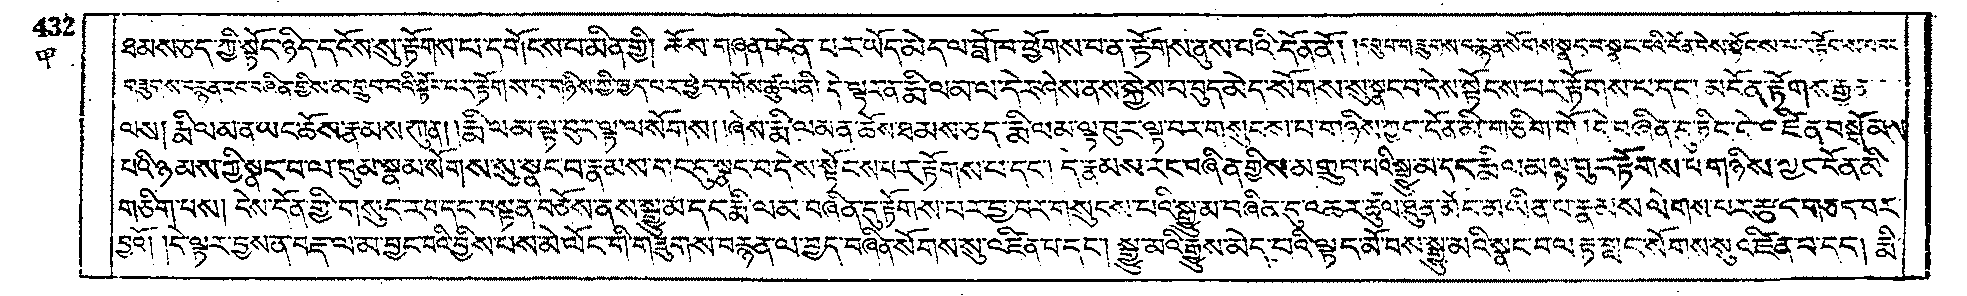ཐམས་ཅད་ཀྱི་སྟོང་ཉིད་དངོས་སུ་རྟོགས་པ་དགོངས་པ་མིན་གྱི། ཆོས་གཞན་བདེན་པར་ཡོད་མེད་ལ་བློ་ཁ་ཕྱོགས་པ་ན་རྟོགས་ནུས་པའི་དོན་ནོ། །དགུ་པ་གཟུགས་བརྙན་སོགས་སྣང་བ་སྣང་བའི་དོན་དེས་སྟོངས་པར་རྟོགས་པ་དང་
གཟུགས་བརྙན་རང་བཞིན་གྱིས་མ་གྲུབ་པའི་སྟོང་པར་རྟོགས་པ་གཉིས་ཀྱི་ཁྱད་པར་ཕྱེད་དགོས་ཚུལ་ནི། དེ་ལྟར་ན་རྨི་ལམ་ལ་དེར་ཤེས་ནས་སྐྱེས་པ་བུད་མེད་སོགས་སུ་སྣང་བ་དེས་སྟོངས་པར་རྟོགས་པ་དང་། མངོན་རྟོགས་རྒྱན་
ལས། རྨི་ལམ་ན་ཡང་ཆོས་རྣམས་ཀུན། །རྨི་ལམ་ལྟ་བུར་ལྟ་ལ་སོགས། །ཞེས་རྨི་ལམ་ན་ཆོས་ཐམས་ཅད་རྨི་ལམ་ལྟ་བུར་ལྟ་བར་གསུངས་པ་གཉིས་ཀྱང་དོན་མི་གཅིག་གོ །དེ་བཞིན་དུ་ཏིང་ངེ་འཛིན་བསྒོམས་
པའི་ཉམས་ཀྱི་སྣང་བ་ལ་ལ་བུམ་སྣམ་སོགས་སུ་སྣང་བ་རྣམས་གང་དུ་སྣང་བ་དེས་སྟོངས་པར་རྟོགས་པ་དང་། དེ་རྣམས་རང་བཞིན་གྱིས་མ་གྲུབ་པའི་སྒྱུ་མ་དང་རྨི་ལམ་ལྟ་བུར་རྟོགས་པ་གཉིས་ཀྱང་དོན་མི་
གཅིག་པས། ངེས་དོན་གྱི་གསུང་རབ་དང་བསྟན་བཅོས་ནས་སྒྱུ་མ་དང་རྨི་ལམ་བཞིན་དུ་རྟོགས་པར་བྱ་བར་གསུངས་པའི་སྒྱུ་མ་བཞིན་དུ་འཆར་ཚུལ་ཐུན་མོང་མ་ཡིན་པ་རྣམས་ལེགས་པར་རྩད་གཅད་པར་
བྱའོ། །དེ་ལྟར་བྱས་ན་བརྡ་ལ་མ་བྱང་བའི་བྱིས་པས་མེ་ལོང་གི་གཟུགས་བརྙན་ལ་བྱད་བཞིན་སོགས་སུ་འཛིན་པ་དང་། སྒྱུར་མའི་རྒྱུས་མེད་པའི་ལྟད་མོ་བས་སྒྱུ་མའི་སྣང་བ་ལ་རྟ་གླང་སོགས་སུ་འཛིན་པ་དང་། རྨི་